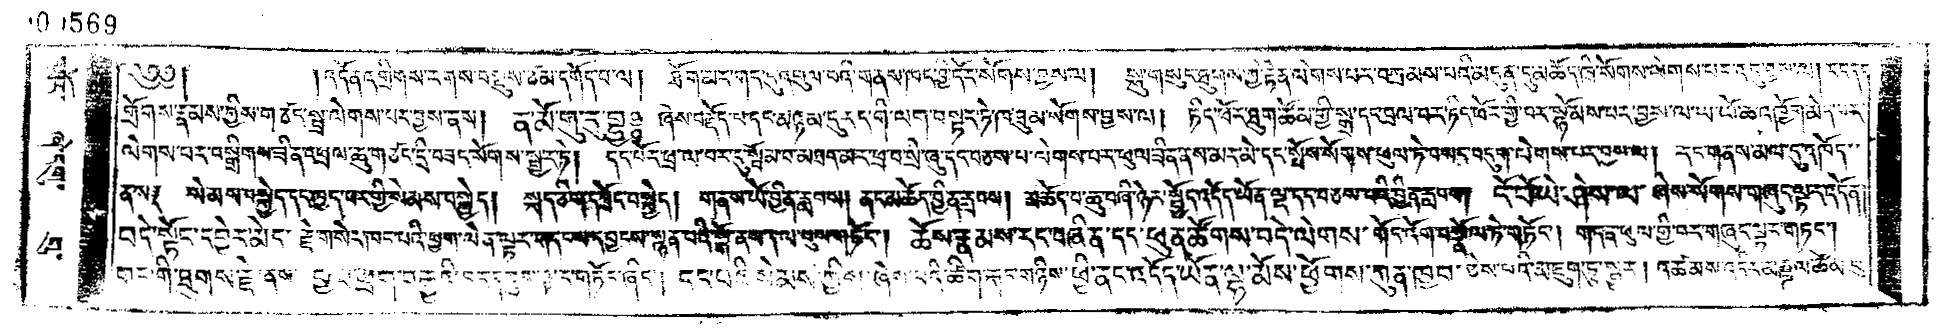༄༅། །འདོན་འགྲིགས་རགས་བསྡུས་ཙམ་དགོད་པ་ལ། ཐོག་མར་གང་དུ་འབུལ་བའི་གནས་ཁང་བྱི་དོར་སོགས་བྱས་ལ། སྐུ་གསུང་ཐུགས་ཀྱི་རྟེན་ལེགས་པར་བཀྲམས་པའི་མདུན་དུ་མཆོད་ཁྲི་སོགས་ལེགས་པར་འདུ་བྱས་ལ། རང་དང་
གྲོགས་རྣམས་ཀྱིས་གཙང་སྦྲ་ལེགས་པར་བྱས་ནས། ན་མོ་གུ་རུ་བྷྱཿ ཞེས་བརྗོད་པ་དང་མཉམ་དུ་རང་གི་ལག་བསྟར་ཏེ་ཁ་ཐུམ་སོགས་བྱས་ལ། ཏིད་ཕོར་ཐུག་ཚོམ་གྱི་སྒྲ་དང་བྲལ་བར་ཉིད་?་ཕོར་གྱི་བར་སྙོམས་པར་བྱས་ལ་ཡ་ཡོ་ཆ་འཁྱོག་མེད་པར་
ལེགས་པར་བསྒྲིགས་ཟིན་འཕྲལ་ཆུ་གཙང་དྲི་བཟང་སོགས་སྦྱར་ཏེ། དང་པོར་ཕྲ་ལ་བར་དུ་སྦོམ་པ་མཐའ་མར་ཕྲ་བ་སྲི་ཞུ་དང་བཅས་པ་ལེགས་པར་ཕུལ་ཟིན་ནས་མར་མེ་དང་སྤོས་སོགས་ཕུལ་ཏེ་བསང་བདུག་ལེགས་པར་བྱས་ལ། རང་གནས་མལ་དུ་འཁོད་
ནས༑ སེམས་བསྐྱེད་དང་ཁྱད་པར་གྱི་སེམས་བསྐྱེད། སྐད་ཅིག་དཀྲོང་བསྐྱེད། གནས་ཡོ་བྱིན་རླབས། ནང་མཆོད་བྱིན་རླབས། མཆོད་པ་ཆུ་བཞི་ཉེར་སྤྱོད་འདོད་ཡོན་ལྔ་དང་བཅས་པའི་བྱིན་རླབས། ངོ་བོ་ཡེ་ཤེས་ལ་ཞེས་སོགས་གཞུང་ལྟར་འདོན་
བདེ་སྟོང་དབྱེར་མེད་རྗེ་གསེར་ཁང་པའི་ཕྱག་ལེན་ལྟར་གདངས་དབྱངས་སྙན་པའི་སྒོ་ནས་དལ་བུས་གཏོང་།  ཆོས་རྣམས་རང་བཞིན་དང་ཕུན་ཚོགས་བདེ་ལེགས་གོང་འོག་བསྣོལ་ཏེ་གཏོང་། གདན་ཕུལ་གྱི་བར་གཞུང་ལྟར་གཏང་།
གང་གི་ཐུགས་རྗེ་ནས་བྱེ་བ་ཕྲག་བརྒྱའི་བར་དཀྱུས་ལྟར་གཏོང་ཞིང་།  དང་པའི་སེམས་ཀྱིས་ཞེས་པའི་ཚིག་རྐང་གཉིས་ཕྱི་ནང་འདོད་ཡོན་ལྷ་མོས་ཕྱོགས་ཀུན་ཁྱབ་ཅེས་པའི་མཇུག་ཏུ་སྦྱར། འཚམས་འདིར་མཎྜལ་ཚོམ་བུ་